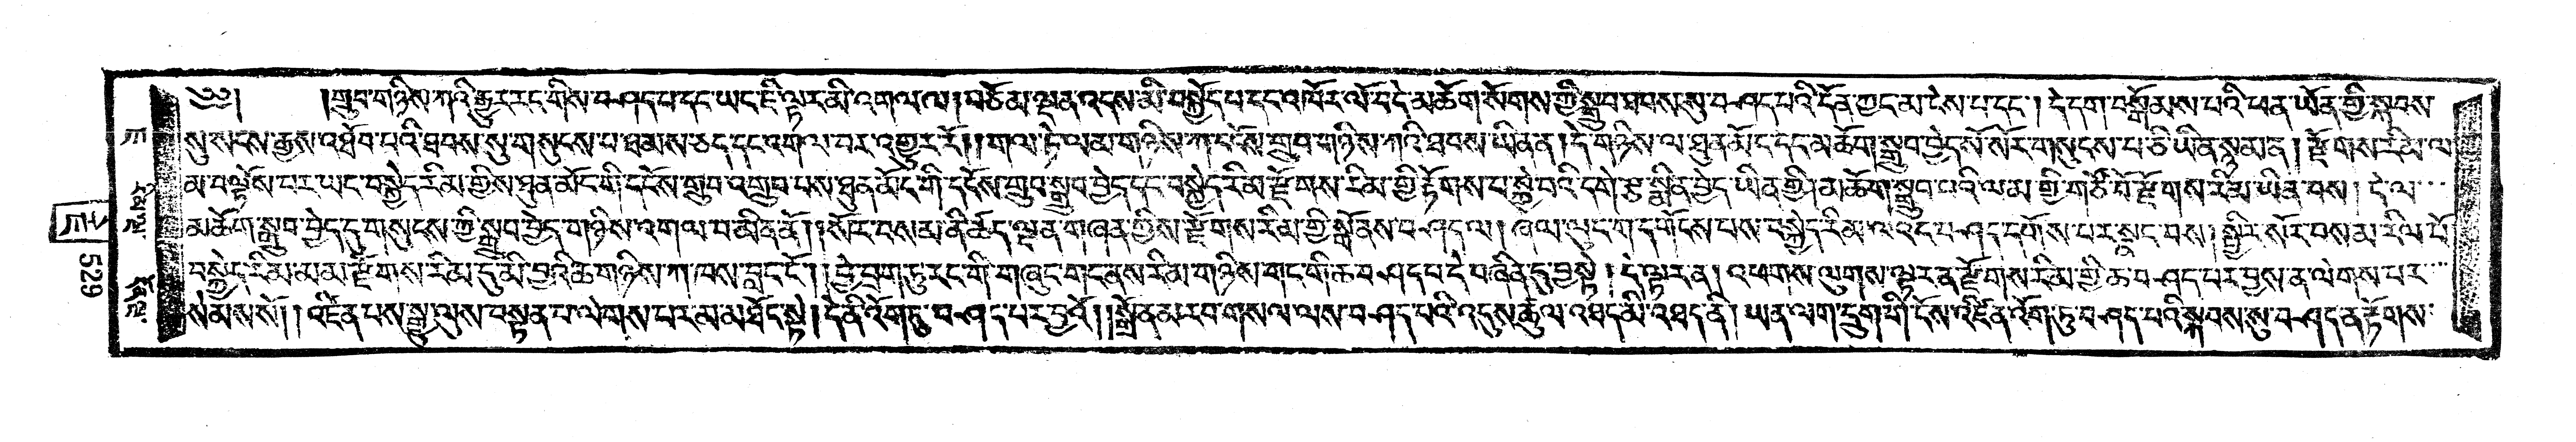༄༅། །གྲུབ་གཉིས་ཀའི་རྒྱུར་རང་གིས་བཤད་པ་དང་ཡང་ཇི་ལྟར་མི་འགལ་ལ། བཅོམ་ལྡན་འདས་མི་བསྐྱོད་པ་དང་འཁོར་ལོ་བདེ་མཆོག་སོགས་ཀྱི་སྒྲུབ་ཐབས་སུ་བཤད་པའི་དོན་ཀྱང་མ་ངེས་པ་དང་། དེ་དག་བསྒོམས་པའི་ཕན་ཡོན་གྱི་སྐབས་
སུ་སངས་རྒྱས་འཐོབ་པའི་ཐབས་སུ་གསུངས་པ་ཐམས་ཅད་དང་འགལ་བར་འགྱུར་རོ། །གལ་ཏེ་ལམ་གཉིས་ཀ་དངོས་གྲུབ་གཉིས་ཀའི་ཐབས་ཡིན་ན། དེ་གཉིས་ལ་ཐུན་མོང་དང་མཆོག་སྒྲུབ་བྱེད་སོ་སོར་གསུངས་པ་ཅི་ཡིན་སྙམ་ན། རྫོགས་རིམ་ལ་
མ་བལྟོས་པར་ཡང་བསྐྱེད་རིམ་གྱིས་ཐུན་མོང་གི་དངོས་གྲུབ་འགྲུབ་པས་ཐུན་མོང་གི་དངོས་གྲུབ་སྒྲུབ་བྱེད་དང་བསྐྱེད་རིམ་རྫོགས་རིམ་གྱི་རྟོགས་པ་སྐྱེ་བའི་དགེ་རྩ་སྨིན་བྱེད་ཡིན་གྱི། མཆོག་སྒྲུབ་པའི་ལམ་གྱི་གཙོ་བོ་རྫོགས་རིམ་ཡིན་པས། དེ་ལ་
མཆོག་སྒྲུབ་བྱེད་དུ་གསུངས་ཀྱི་སྒྲུབ་བྱེད་གཉིས་འགལ་བ་མིན་ནོ། །སོར་བསམ་ནི་ཚད་ལྡན་གཞན་གྱིས་རྫོགས་རིམ་གྱི་སྒོ་ནས་བཤད་ལ། ཞལ་ལུང་གི་དགོངས་པས་བསྐྱེད་རིམ་ལའང་བཤད་དགོས་པར་སྣང་བས། སྤྱིར་སོར་བསམ་རིལ་པོ་
བསྐྱེད་རིམ་མམ་རྫོགས་རིམ་དུ་མི་བྱའི་ཆ་གཉིས་ཀ་ཁས་བླང་ངོ། ། བྱེ་བྲག་ཏུ་རང་གི་གཞུང་གང་ནས་རིམ་གཉིས་གང་གི་ཆ་བཤད་པ་དེ་བཞིན་དུ་བྱ་སྟེ། དེ་ལྟར་ན། འཕགས་ལུགས་ལྟར་ན་རྫོགས་རིམ་གྱི་ཆ་བཤད་པར་བྱས་ན་ལེགས་པར་
སེམས་སོ། །འཛིན་པས་སྒྱུ་ལུས་བསྟན་པ་ལེགས་པར་མ་མཐོང་སྟེ། དེ་ནི་འོག་ཏུ་བཤད་པར་བྱའོ། །སྒྲོན་མ་རབ་གསལ་ལས་བཤད་པའི་འདུས་ཚུལ་འཐད་མི་འཐད་ནི། ཡན་ལག་དྲུག་གི་ངོས་འཛིན་འོག་ཏུ་བཤད་པའི་སྐབས་སུ་བཤད་ན་རྟོགས་